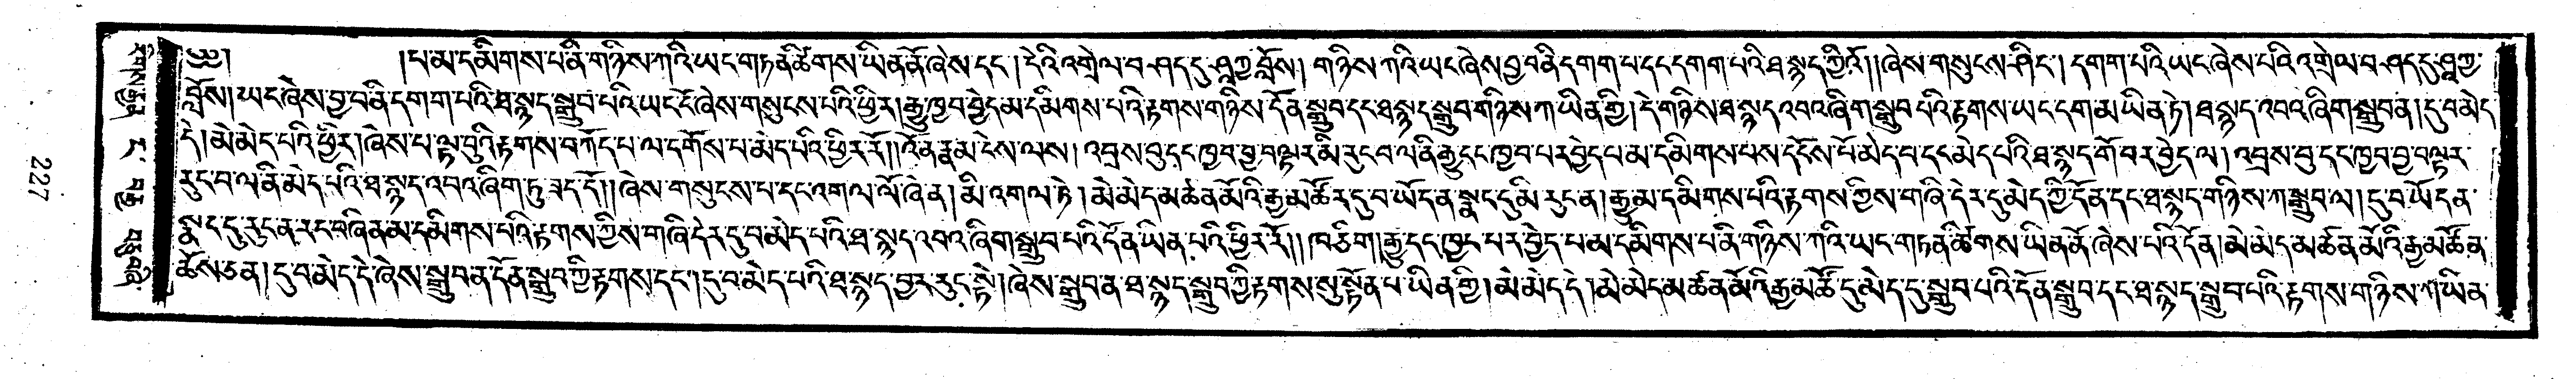༄༅། །པ་མ་དམིགས་པ་ནི་གཉིས་ཀའི་ཡང་གཏན་ཚིགས་ཡིན་ནོ་ཞེས་དང་། དེའི་འགྲེལ་བཤད་དུ་ཤཱཀྱ་བློས། གཉིས་ཀའི་ཡང་ཞེས་བྱ་བ་ནི་དགག་པ་དང་དགག་པའི་ཐ་སྙད་ཀྱིའོ། །ཞེས་གསུངས་ཤིང་། དགག་པའི་ཡང་ཞེས་པའི་འགྲེལ་བཤད་དུ་ཤཱཀྱ་
བློས། ཡང་ཞེས་བྱ་བ་ནི་དགག་པའི་ཐ་སྙད་སྒྲུབ་པའི་ཡང་ངོ་ཞེས་གསུངས་པའི་ཕྱིར། རྒྱུ་ཁྱབ་བྱེད་མ་དམིགས་པའི་རྟགས་གཉིས་དོན་སྒྲུབ་དང་ཐ་སྙད་སྒྲུབ་གཉིས་ཀ་ཡིན་གྱི། དེ་གཉིས་ཐ་སྙད་འབའ་ཞིག་སྒྲུབ་པའི་རྟགས་ཡང་དག་མ་ཡིན་ཏེ། ཐ་སྙད་འབའ་ཞིག་སྒྲུབ་ན། དུ་བ་མེད་
དེ༑ ?་མེ་མེད་པའི་ཕྱིར། ཞེས་པ་ལྟ་བུའི་རྟགས་བཀོད་པ་ལ་དགོས་པ་མེད་པའི་ཕྱིར་རོ། །འོ་ན་རྣམ་ངེས་ལས། འབྲས་བུ་དང་ཁྱབ་བྱ་བལྟར་མི་རུང་བ་ལ་ནི་རྒྱུ་དང་ཁྱབ་པར་བྱེད་པ་མ་དམིགས་པས་དངོས་པོ་མེད་པ་དང་མེད་པའི་ཐ་སྙད་གོ་བར་བྱེད་ལ། འབྲས་བུ་དང་ཁྱབ་བྱ་བལྟར་
རུང་བ་ལ་ནི་མེད་པའི་ཐ་སྙད་འབའ་ཞིག་ཏུ་ཟད་དེ། །ཞེས་གསུངས་པ་དང་འགལ་ལོ་ཞེ་ན། མི་འགལ་ཏེ། མེ་མེད་མཚན་མོའི་རྒྱ་མཚོར་དུ་བ་ཡོད་ན་སྣང་དུ་མི་རུང་ན། རྒྱུ་མ་དམིགས་པའི་རྟགས་ཀྱིས་གཞི་དེར་དུ་མེད་ཀྱི་དོན་དང་ཐ་སྙད་གཉིས་ཀ་སྒྲུབ་ལ། དུ་བ་ཡོད་ན་
སྣང་དུ་རུང་ན་རང་བཞིན་མ་དམིགས་པའི་རྟགས་ཀྱིས་གཞི་དེར་དུ་བ་མེད་པའི་ཐ་སྙད་འབའ་ཞིག་སྒྲུབ་པའི་དོན་ཡིན་པའི་ཕྱིར་རོ། །ཁ་ཅིག །རྒྱུ་དང་ཁྱབ་པར་བྱེད་པ་མ་དམིགས་པ་ནི་གཉིས་ཀའི་ཡང་གཏན་ཚིགས་ཡིན་ནོ་ཞེས་པའི་དོན། མེ་མེད་མཚན་མོའི་རྒྱ་མཚོ་ན་
ཆོས་ཅན། དུ་བ་མེད་དེ་ཞེས་སྒྲུབ་ན་དོན་སྒྲུབ་ཀྱི་རྟགས་དང་། དུ་བ་མེད་པའི་ཐ་སྙད་བྱར་རུང་སྟེ། ཞེས་སྒྲུབ་ན་ཐ་སྙད་སྒྲུབ་ཀྱི་རྟགས་སུ་སྟོན་པ་ཡིན་གྱི། མེ་མེད་དེ། མེ་མེད་མཚན་མོའི་རྒྱ་མཚོ་དུ་མེད་དུ་སྒྲུབ་པའི་དོན་སྒྲུབ་དང་ཐ་སྙད་སྒྲུབ་པའི་རྟགས་གཉིས་ཀ་ཡིན་